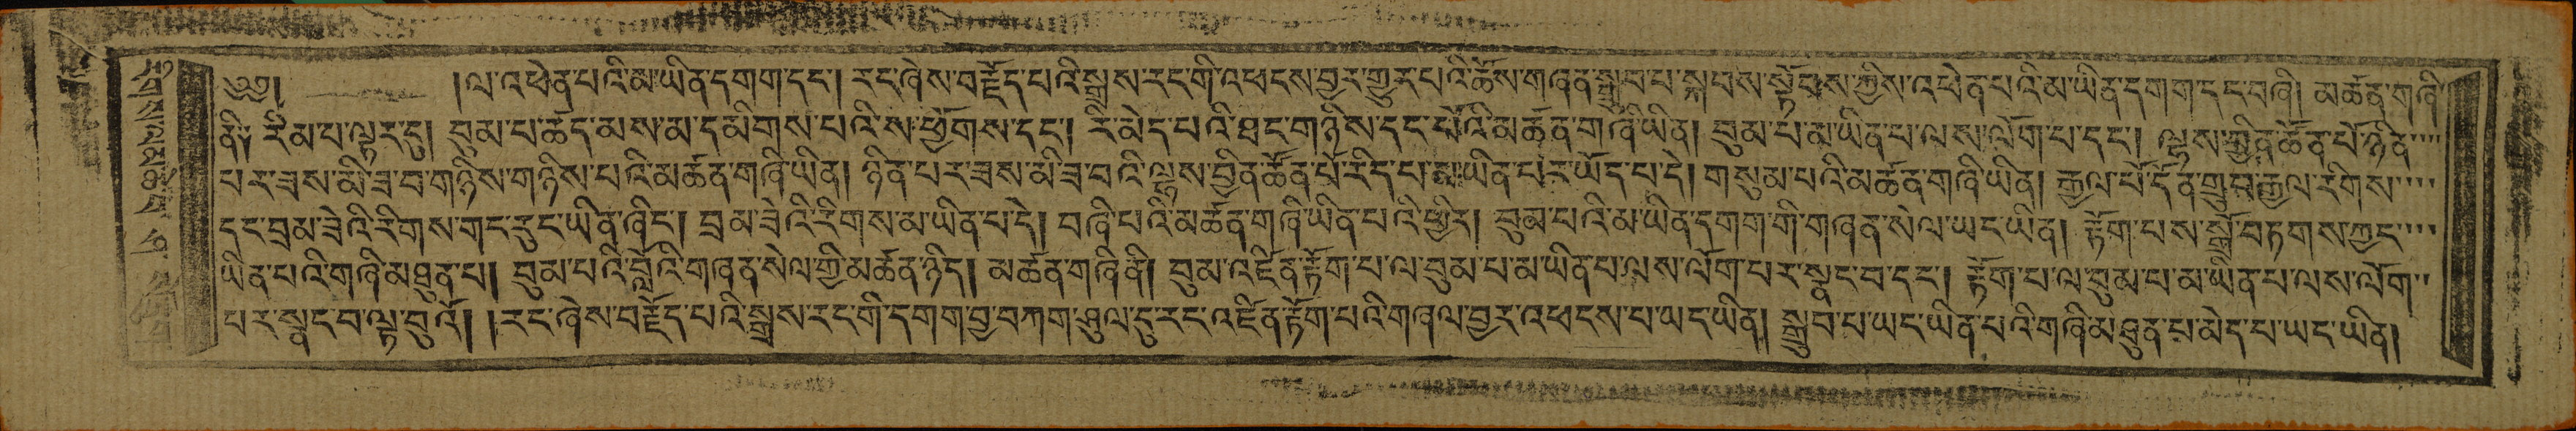༄༅། །ལ་འཕེན་པའི་མ་ཡིན་དགག་དང་། རང་ཞེས་བརྗོད་པའི་སྒྲས་རང་གི་འཕངས་བྱར་གྱུར་པའི་ཆོས་གཞན་སྒྲུབ་པ་སྐབས་སྟོབས་ཀྱིས་འཕེན་པའི་མ་ཡིན་དགག་དང་བཞི། མཚན་གཞི་
ནི༑ རིམ་པ་ལྟར་དུ། བུམ་པ་ཚད་མས་མ་དམིགས་པའི་ས་ཕྱོགས་དང་། རི་མེད་པའི་ཐང་གཉིས་དང་པོའི་མཚན་གཞི་ཡིན། བུམ་པ་མ་ཡིན་པ་ལས་ལོག་པ་དང་། ལྷས་བྱིན་ཚོན་པོ་ཉིན་
པར་ཟས་མི་ཟ་བ་གཉིས་གཉིས་པའི་མཚན་གཞི་ཡིན། ཉིན་པར་ཟས་མི་ཟ་བའི་ལྷས་བྱིན་ཚོན་པོ་རིད་པ་མ་ཡིན་པར་ཡོད་པ་དེ། གསུམ་པའི་མཚན་གཞི་ཡིན། རྒྱལ་པོ་དོན་གྲུབ་རྒྱལ་རིགས་
དང་བྲམ་ཟེའི་རིགས་གང་རུང་ཡིན་ཞིང་། བྲམ་ཟེའི་རིགས་མ་ཡིན་པ་དེ། བཞི་པའི་མཚན་གཞི་ཡིན་པའི་ཕྱིར། བུམ་པའི་མ་ཡིན་དགག་གི་གཞན་སེལ་ཡང་ཡིན། རྟོག་པས་སྒྲོ་བཏགས་ཀྱང་
ཡིན་པའི་གཞི་མཐུན་པ། བུམ་པའི་བློའི་གཞན་སེལ་གྱི་མཚན་ཉིད། མཚན་གཞི་ནི། བུམ་འཛིན་རྟོག་པ་ལ་བུམ་པ་མ་ཡིན་པ་ལས་ལོག་པར་སྣང་བ་དང་། རྟོག་པ་ལ་བུམ་པ་མ་ཡིན་པ་ལས་ལོག་
པར་སྣང་བ་ལྟ་བུའོ། །རང་ཞེས་བརྗོད་པའི་སྒྲས་རང་གི་དགག་བྱ་བཀག་ཤུལ་དུ་རང་འཛིན་རྟོག་པའི་གཞལ་བྱར་འཕངས་པ་ཡང་ཡིན། སྒྲུབ་པ་ཡང་ཡིན་པའི་གཞི་མཐུན་པ་མེད་པ་ཡང་ཡིན།